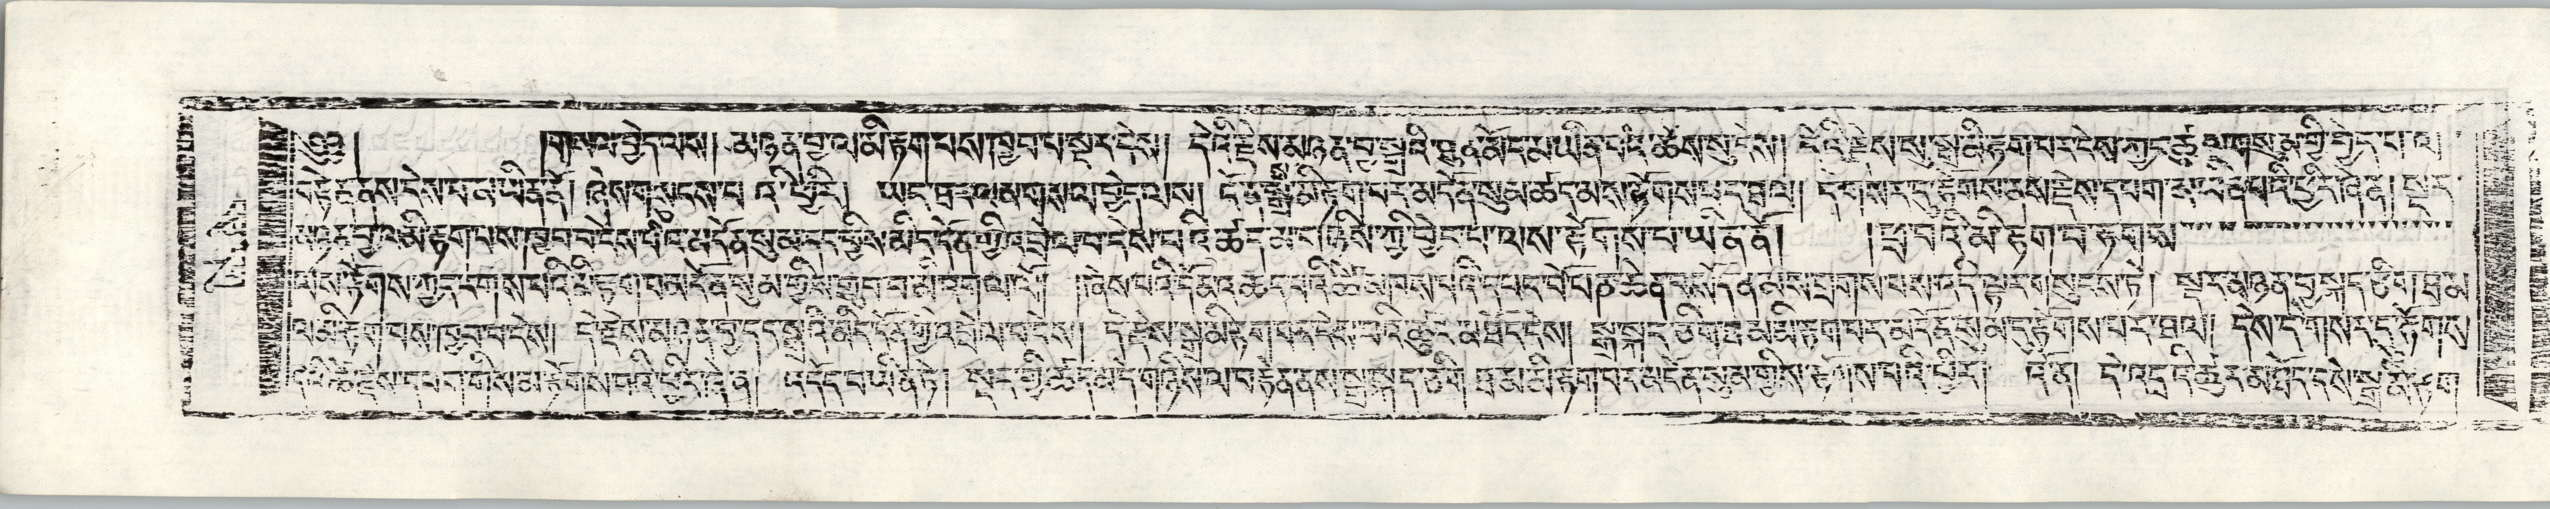༄༅། །གསལ་བྱེད་ལས། མཉན་བྱ་ལ་མི་རྟག་པས་ཁྱབ་པ་སྔར་ངེས། དེའི་རྗེས་མཉན་བྱ་སྒྲའི་ཐུན་མོང་མ་ཡིན་པའི་ཆོས་སུ་ངེས། དེའི་རྗེས་སུ་སྒྲ་མི་རྟག་པར་ངེས་ཀྱང་ཚུལ་གསུམ་གྱི་བྱེད་པ་ལ་
བརྟེན་ནས་ངེས་པ་མ་ཡིན་ནོ། ཞེས་གསུངས་པའི་ཕྱིར། ཡང་ཐར་ལམ་གསལ་བྱེད་ལས། དོན་སྒྲ་མི་རྟག་པར་མངོན་སུམ་ཚད་མས་རྟོགས་པར་ཐལ། དེ་གསར་དུ་རྟོགས་ནས་རྗེས་དཔག་མ་ཡིན་པའི་ཕྱིར་ཞེ་ན། སྔར་
མཉན་བྱ་ལ་མི་རྟག་པས་ཁྱབ་པ་ངེས་པའི་མངོན་སུམ་དང་ཕྱིས་མིང་དོན་གྱི་འབྲེལ་བ་ངེས་པའི་ཚད་མ་གཉིས་ཀྱི་བྱེད་པ་ལས་རྟོགས་པ་ཡིན་ནོ། །ཕྲ་བའི་མི་རྟག་པ་རྟགས་
ལས་རྟོགས་ཀྱང་རགས་པའི་མི་རྟག་པ་མངོན་སུམ་གྱིས་གྲུབ་པ་མི་འགལ་ལོ། །ཞེས་པའི་དོན་འཆད་པའི་ཚེ་མཁས་པའི་དབང་བོ་པཎ་ཆེན་བསོད་ནམས་གྲགས་པས་འདི་ལྟར་གསུངས་ཏེ། སྔར་མཉན་བྱ་སྐད་ཅིག་ཐ་མ་
ལ་མི་རྟག་པས་ཁྱབ་པ་ངེས། དེ་རྗེས་མཉན་བྱ་དང་སྒྲའི་མིང་དོན་གྱི་འབྲེལ་བ་ངེས། དེ་རྗེས་སྒྲ་མི་རྟག་པར་ངེས་པའི་ཚུར་མཐོང་དེས། སྒྲ་སྐད་ཅིག་ཐ་མ་མི་རྟག་པར་མངོན་སུམ་དུ་རྟོགས་པར་ཐལ། དེས་དེ་གསར་དུ་རྟོགས་
དེའི་ཚེ་རྗེས་དཔག་གིས་མ་རྟོགས་པའི་ཕྱིར་ཞེ་ན། འདོད་པ་ཡིན་ཏེ། སྔར་གྱི་ཚད་མ་དེ་གཉིས་ལ་བརྟེན་ནས་སྒྲ་སྐད་ཅིག་ཐ་མ་མི་རྟག་པར་མངོན་སུམ་གྱིས་རྟོགས་པའི་ཕྱིར། འོ་ན། དེ་འདྲའི་ཚུར་མཐོང་དེས་སྒྲ་མི་རྟག་